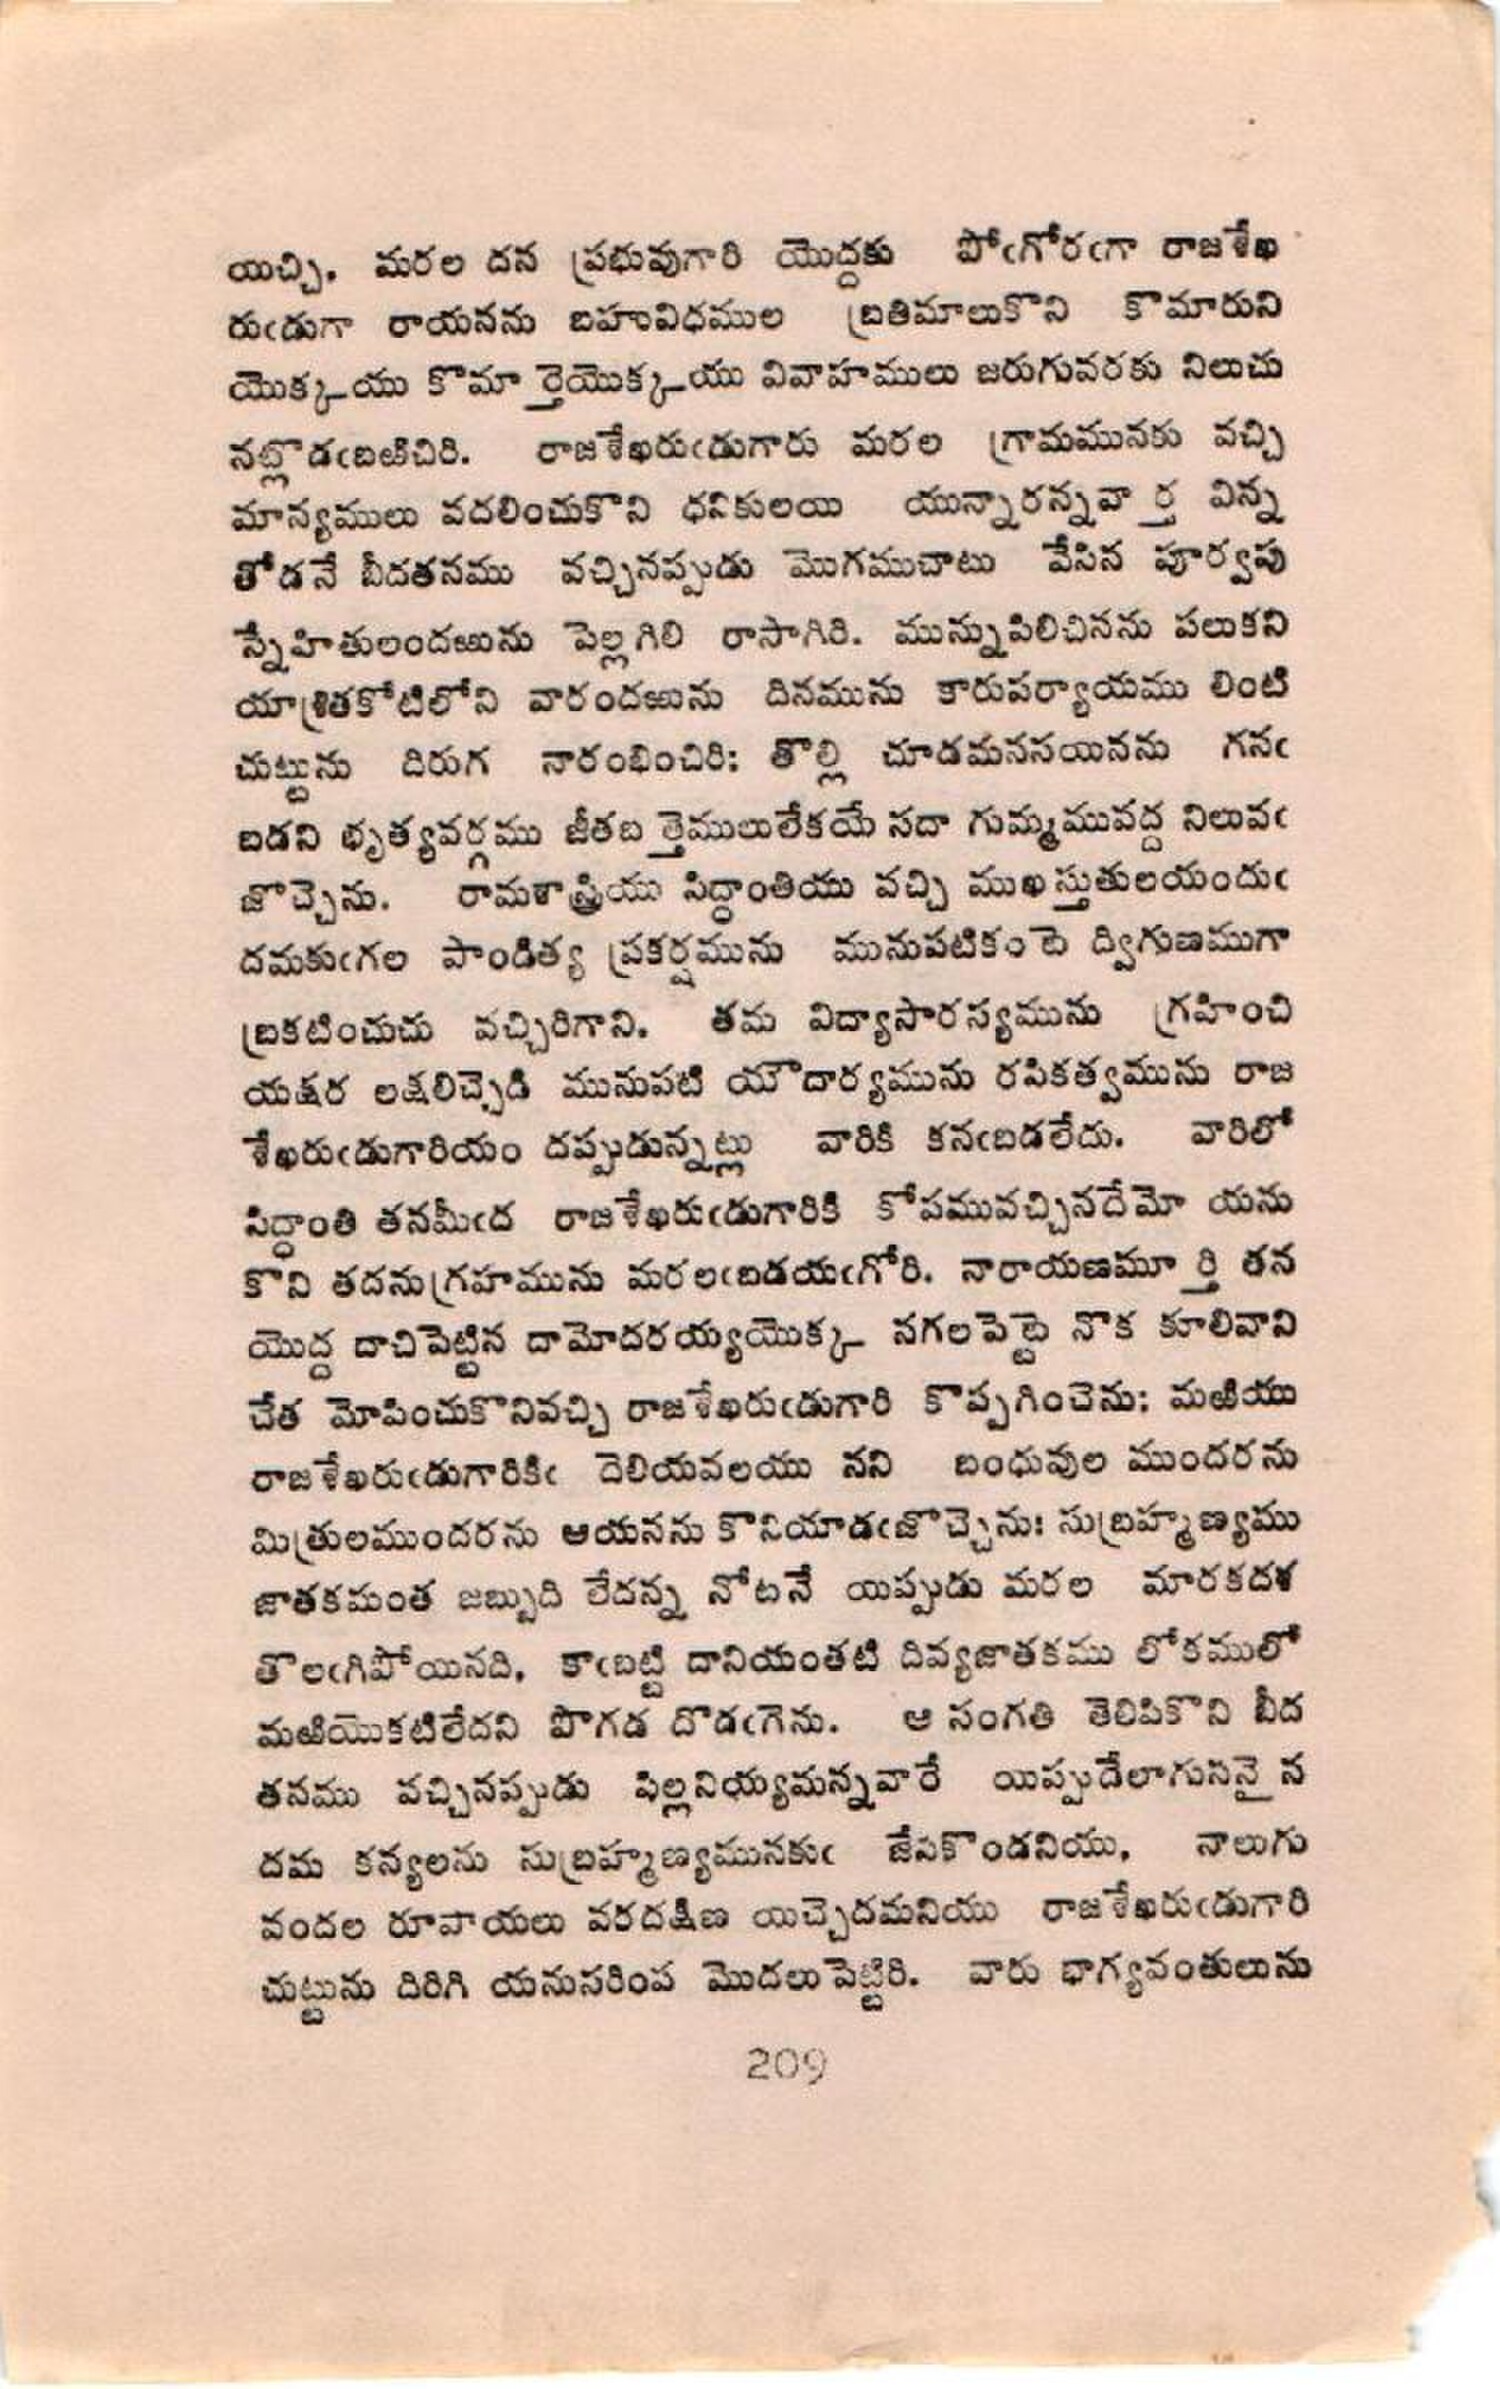యిచ్చి, మరల దన ప్రభువుగారి యొద్దకు పోఁగోరఁగా రాజశేఖ రుఁడుగా రాయనను బహువిధముల బ్రతిమాలుకొని కొమారుని యొక్కయు కొమార్తె యొక్కయు వివాహములు జరుగువరకు నిలుచు నట్లొడబఱిచిరి. రాజశేఖరుఁడుగారు మరల గ్రామమునకు వచ్చి మాన్యములు వదలించుకొని ధనికులయి యున్నారన్నవార్త విన్న తోడనే బీదతనము వచ్చినప్పుడు మొగముచాటు వేసిన పూర్వపు స్నేహితులందఱును పెల్లగిలి రాసాగిరి. మున్నుపిలిచినను పలుకని యాశ్రితకోటిలోని వారందఱును దినమును కారుపర్యాయము లింటి చుట్టును దిరుగ నారంభించిరి; తొల్లి చూడమనసయినను గనబడని భృత్యవర్గము జీతబత్తెములులేకయే సదా గుమ్మమువద్ద నిలువఁ జొచ్చెను. రామశాస్త్రియు సిద్ధాంతియు వచ్చి ముఖస్తుతులయందుఁ దమకుఁగల పాండిత్య ప్రకర్షమును మునుపటికంటె ద్విగుణముగా బ్రకటించుచు వచ్చిరిగాని, తమ విద్యాసారస్యమును గ్రహించి యక్షర లక్షలిచ్చెడి మునుపటి యౌదార్యమును రసికత్వమును రాజ శేఖరుఁడుగారియం దప్పడున్నట్లు వారికి కనఁబడలేదు. వారిలో సిద్ధాంతి తనమీఁద రాజశేఖరుఁడుగారికి కోపమువచ్చినదేమో యను కొని తదనుగ్రహమును మరలఁ బడయఁగోరి, నారాయణమూర్తి తన యొద్ద దాచిపెట్టిన దామోదరయ్యయొక్క నగలపెట్టె నొక కూలివాని చేత మోపించుకొనివచ్చి రాజశేఖరుఁడుగారి కొప్పగించెను; మఱియు రాజశేఖరుఁడుగారికిఁ దెలియవలయు నని బంధువుల ముందరను మిత్రులముందరను ఆయనను కొనియాడఁజొచ్చెను; సుబ్రహ్మణ్యము జాతకమంత జబ్బుది లేదన్న నోటనే యిప్పుడు మరల మారకదశ తొలగిపోయినది, కాబట్టి దానియంతటి దివ్యజాతకము లోకములో మఱియొకటి లేదని పొగడ దొడంగెను. ఆ సంగతి తెలిసికొని బీద తనము వచ్చినప్పుడు పిల్లనియ్యమన్నవారే యిప్పుడేలాగుననైన దమ కన్యలను సుబ్రహ్మణ్యమునకుఁ జేసికొండనియు, నాలుగు వందల రూపాయలు వరదక్షిణ యిచ్చెదమనియు రాజశేఖరుడుగారి చుట్టును దిరిగి యనుసరింప మొదలుపెట్టిరి. వారు భాగ్యవంతులను